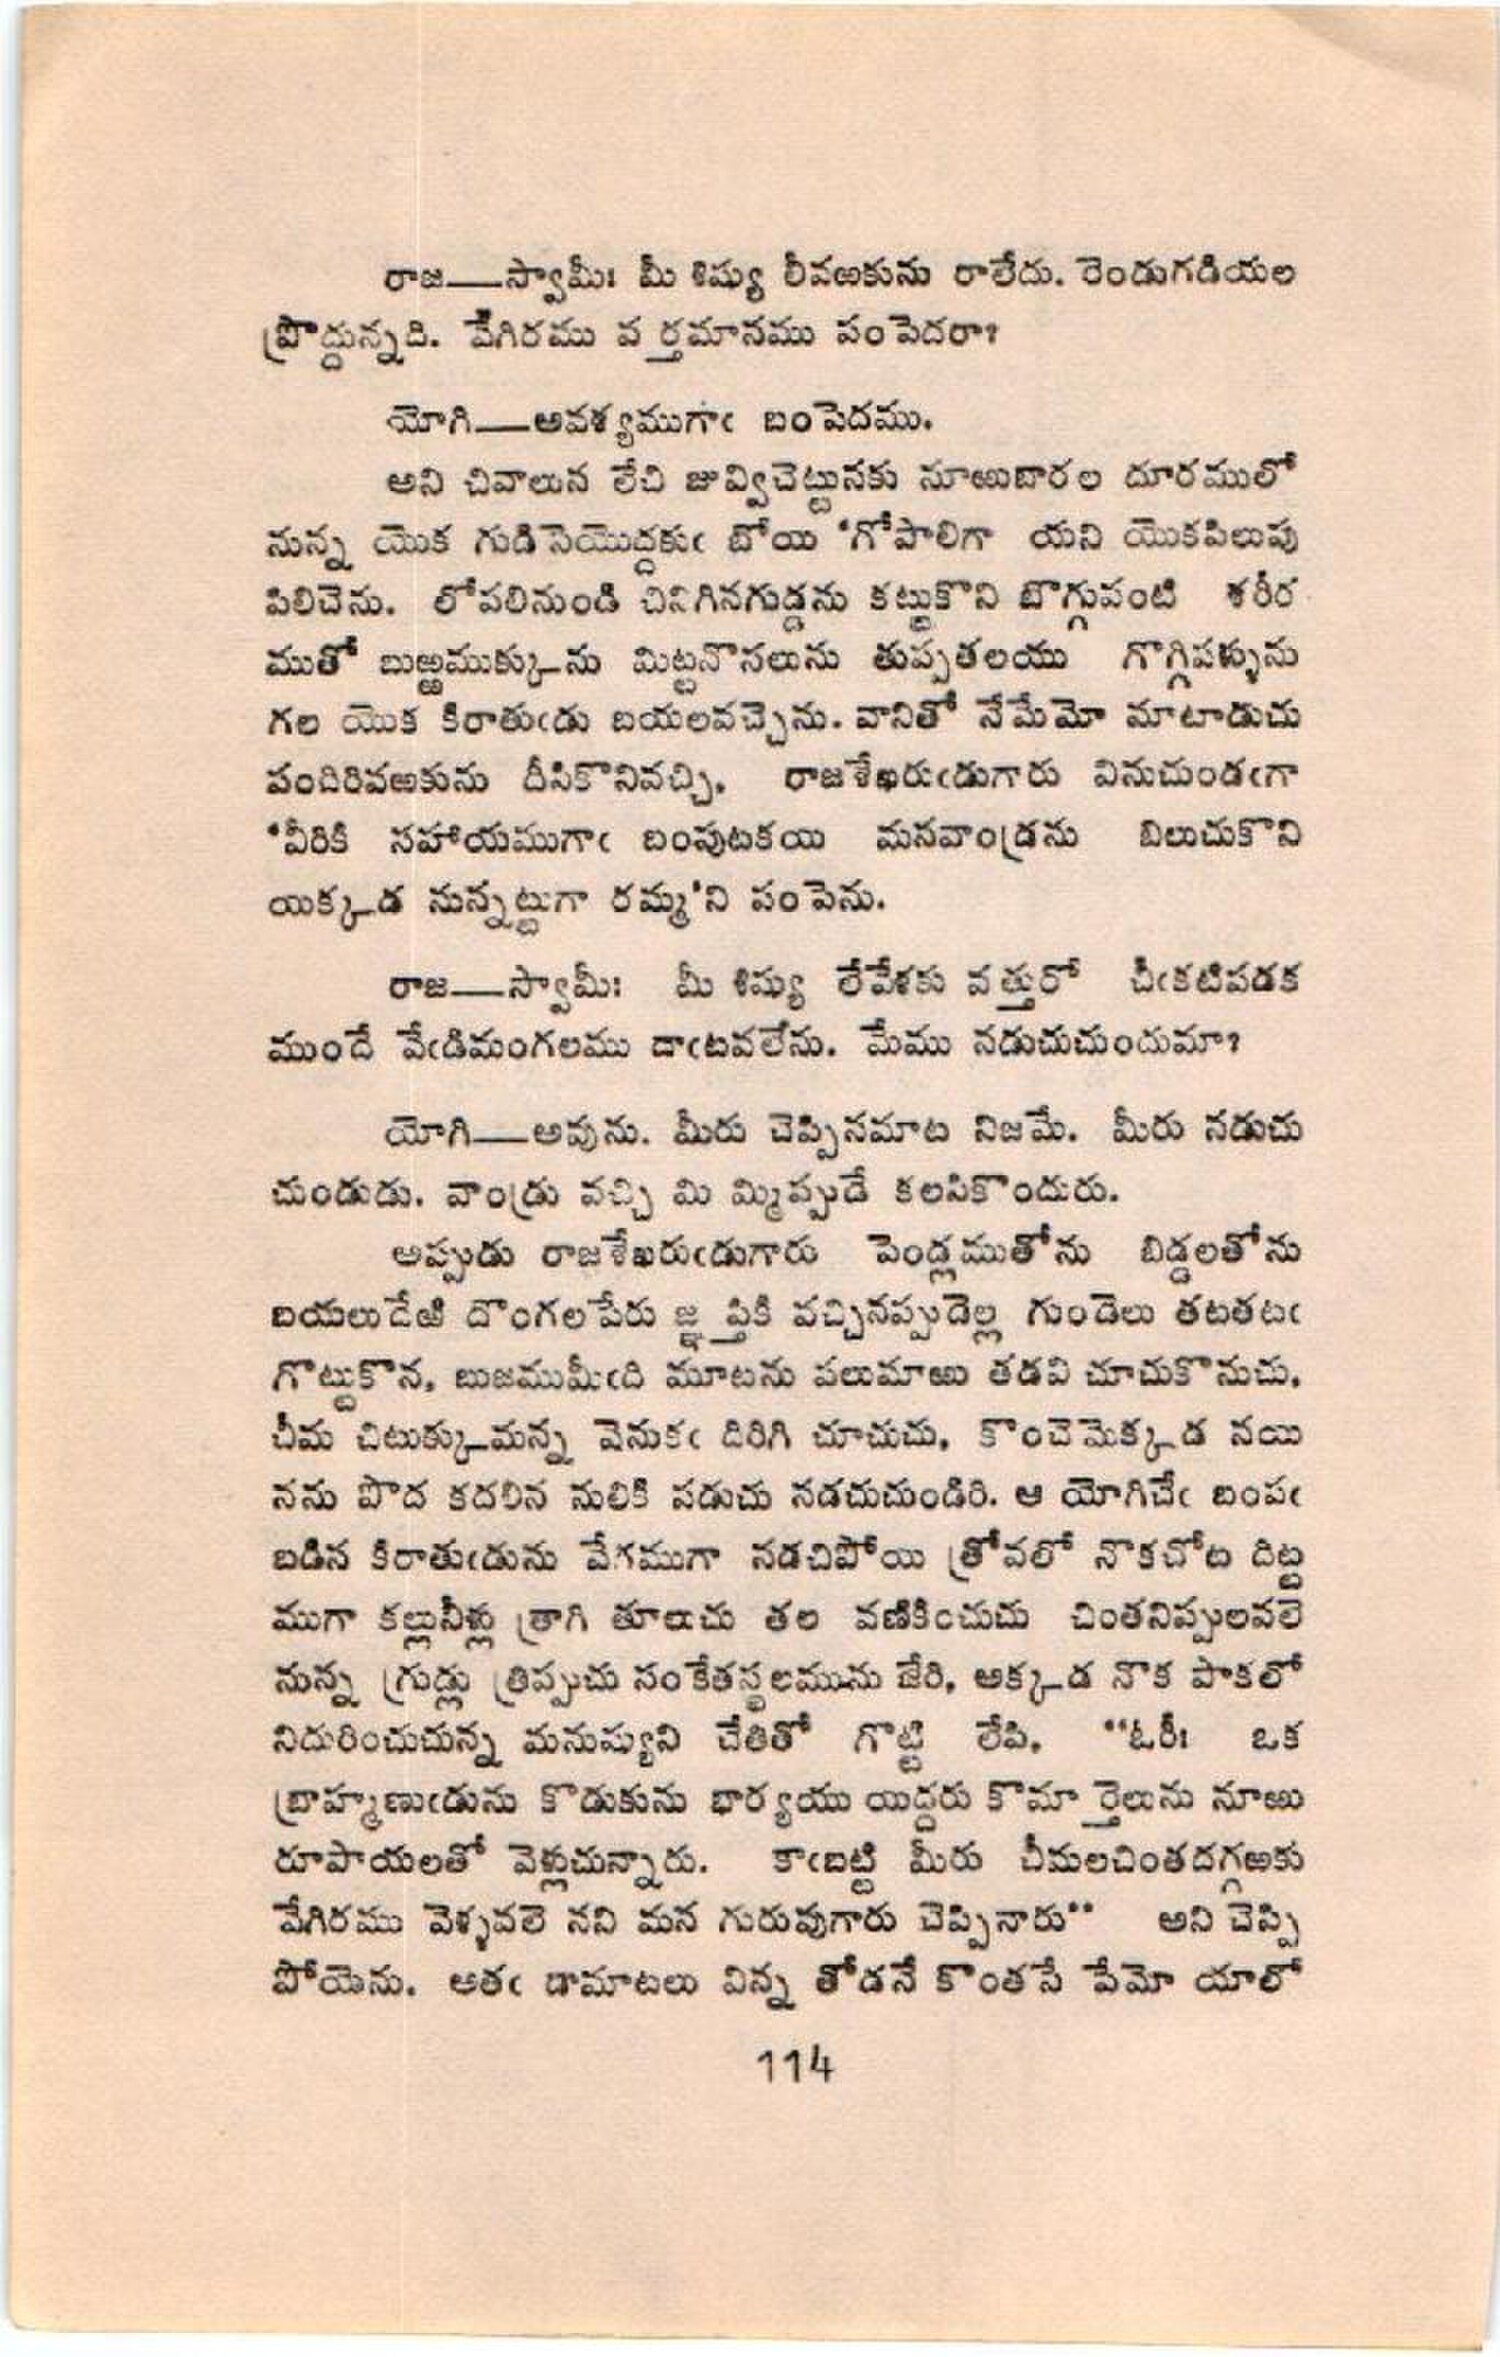రాజ__స్వామీ! మీ శిష్యులీవఱకును రాలేదు. రెండు గడియల ప్రొద్దున్నది. వేగిరము వర్తమానము పంపెదరా?

యోగి__ఆవశ్యముగాఁ బంపెదము,

అని చివాలున లేచి జువ్విచెట్ట్టునకు నూఱుబారల దూరములో నున్న యొక గుడిసెయొద్దకుఁ బోయి 'గోపాలిగా యని యొకపిలుపు పిలిచెను. లోపలినుండి చినిగినగుడ్డను కట్టుకొని బొగ్గువంటి శరీర ముతో బుఱ్ఱముక్కును మిట్టనొసలను తుప్పతలయు గొగ్గిపళ్ళును గల యొక కిరాతుఁడు బయలవచ్చెను. వానితో నేమేమో మాటాడుచు పందిరివఱకును దీసికొనివచ్చి, రాజశేఖరుఁడుగారు వినుచుండగా 'వీరికి సహాయముగాఁ బంపుటకయి మనవాండ్రను బిలుచుకొని యిక్కడ నున్నట్టగా రమ్మ'ని పంపెను.

రాజ__స్వామీ! మీ శిష్యు లేవేళకు వత్తురో చీకటిపడక ముందే వేడిమంగలము దాటవలేను. మేము నడుచుచుందుమా?

యోగి__అవును. మీరు చెప్పినమాట నిజమే. మీరు నడుచు చుండుడు, వాండ్రు వచ్చి మి మ్మిప్పుడే కలసికొందురు.

అప్పుడు రాజశేఖరుడుగారు పెండ్లముతోను బిడ్డలతోను బయలుదేఱి దొంగల పేరు జ్ఞప్తికి వచ్చినప్పడెల్ల గుండెలు తటతటఁ గొట్టుకొన, బుజముమీఁది మూటను పలుమాఱు తడవి చూచుకొనుచు, చీమ చిటుక్కు-మన్న వెనుక దిరిగి చూచుచు, కొంచెమెక్కడ నయినను పొద కదలిన నులికి పడుచు నడుచుచుండిరి.ఆ యోగిచే బంపబడిన కిరాతుఁడును వేగముగా నడచిపోయి త్రోవలో నొకచోట దిట్ట ముగా కల్లు నీళ్లు త్రాగి తూలుచు తల వణికించుచు చింతనిప్పుల వలె నున్న గ్రుడ్లు త్రిప్పచు సంకేతస్థలమును జేరి, అక్కడ నొక పాకలో నిదురించుచున్న మనుష్యుని చేతితో గొట్టి లేపి, "ఓరీ ఒక బ్రాహ్మణుండును కొడుకును భార్యయు యిద్దరు కొమార్తెలను నూఱు రూపాయలతో వెళ్లచున్నారు. కాబట్టి మీరు చీమలచింతదగ్గఱకు వేగిరము వెళ్ళవలె నని మన గురువుగారు చెప్పినారు" అని చెప్పి పోయెను. అతఁ డామాటలు విన్న తోడనే కొంతసే సేమో యాలో